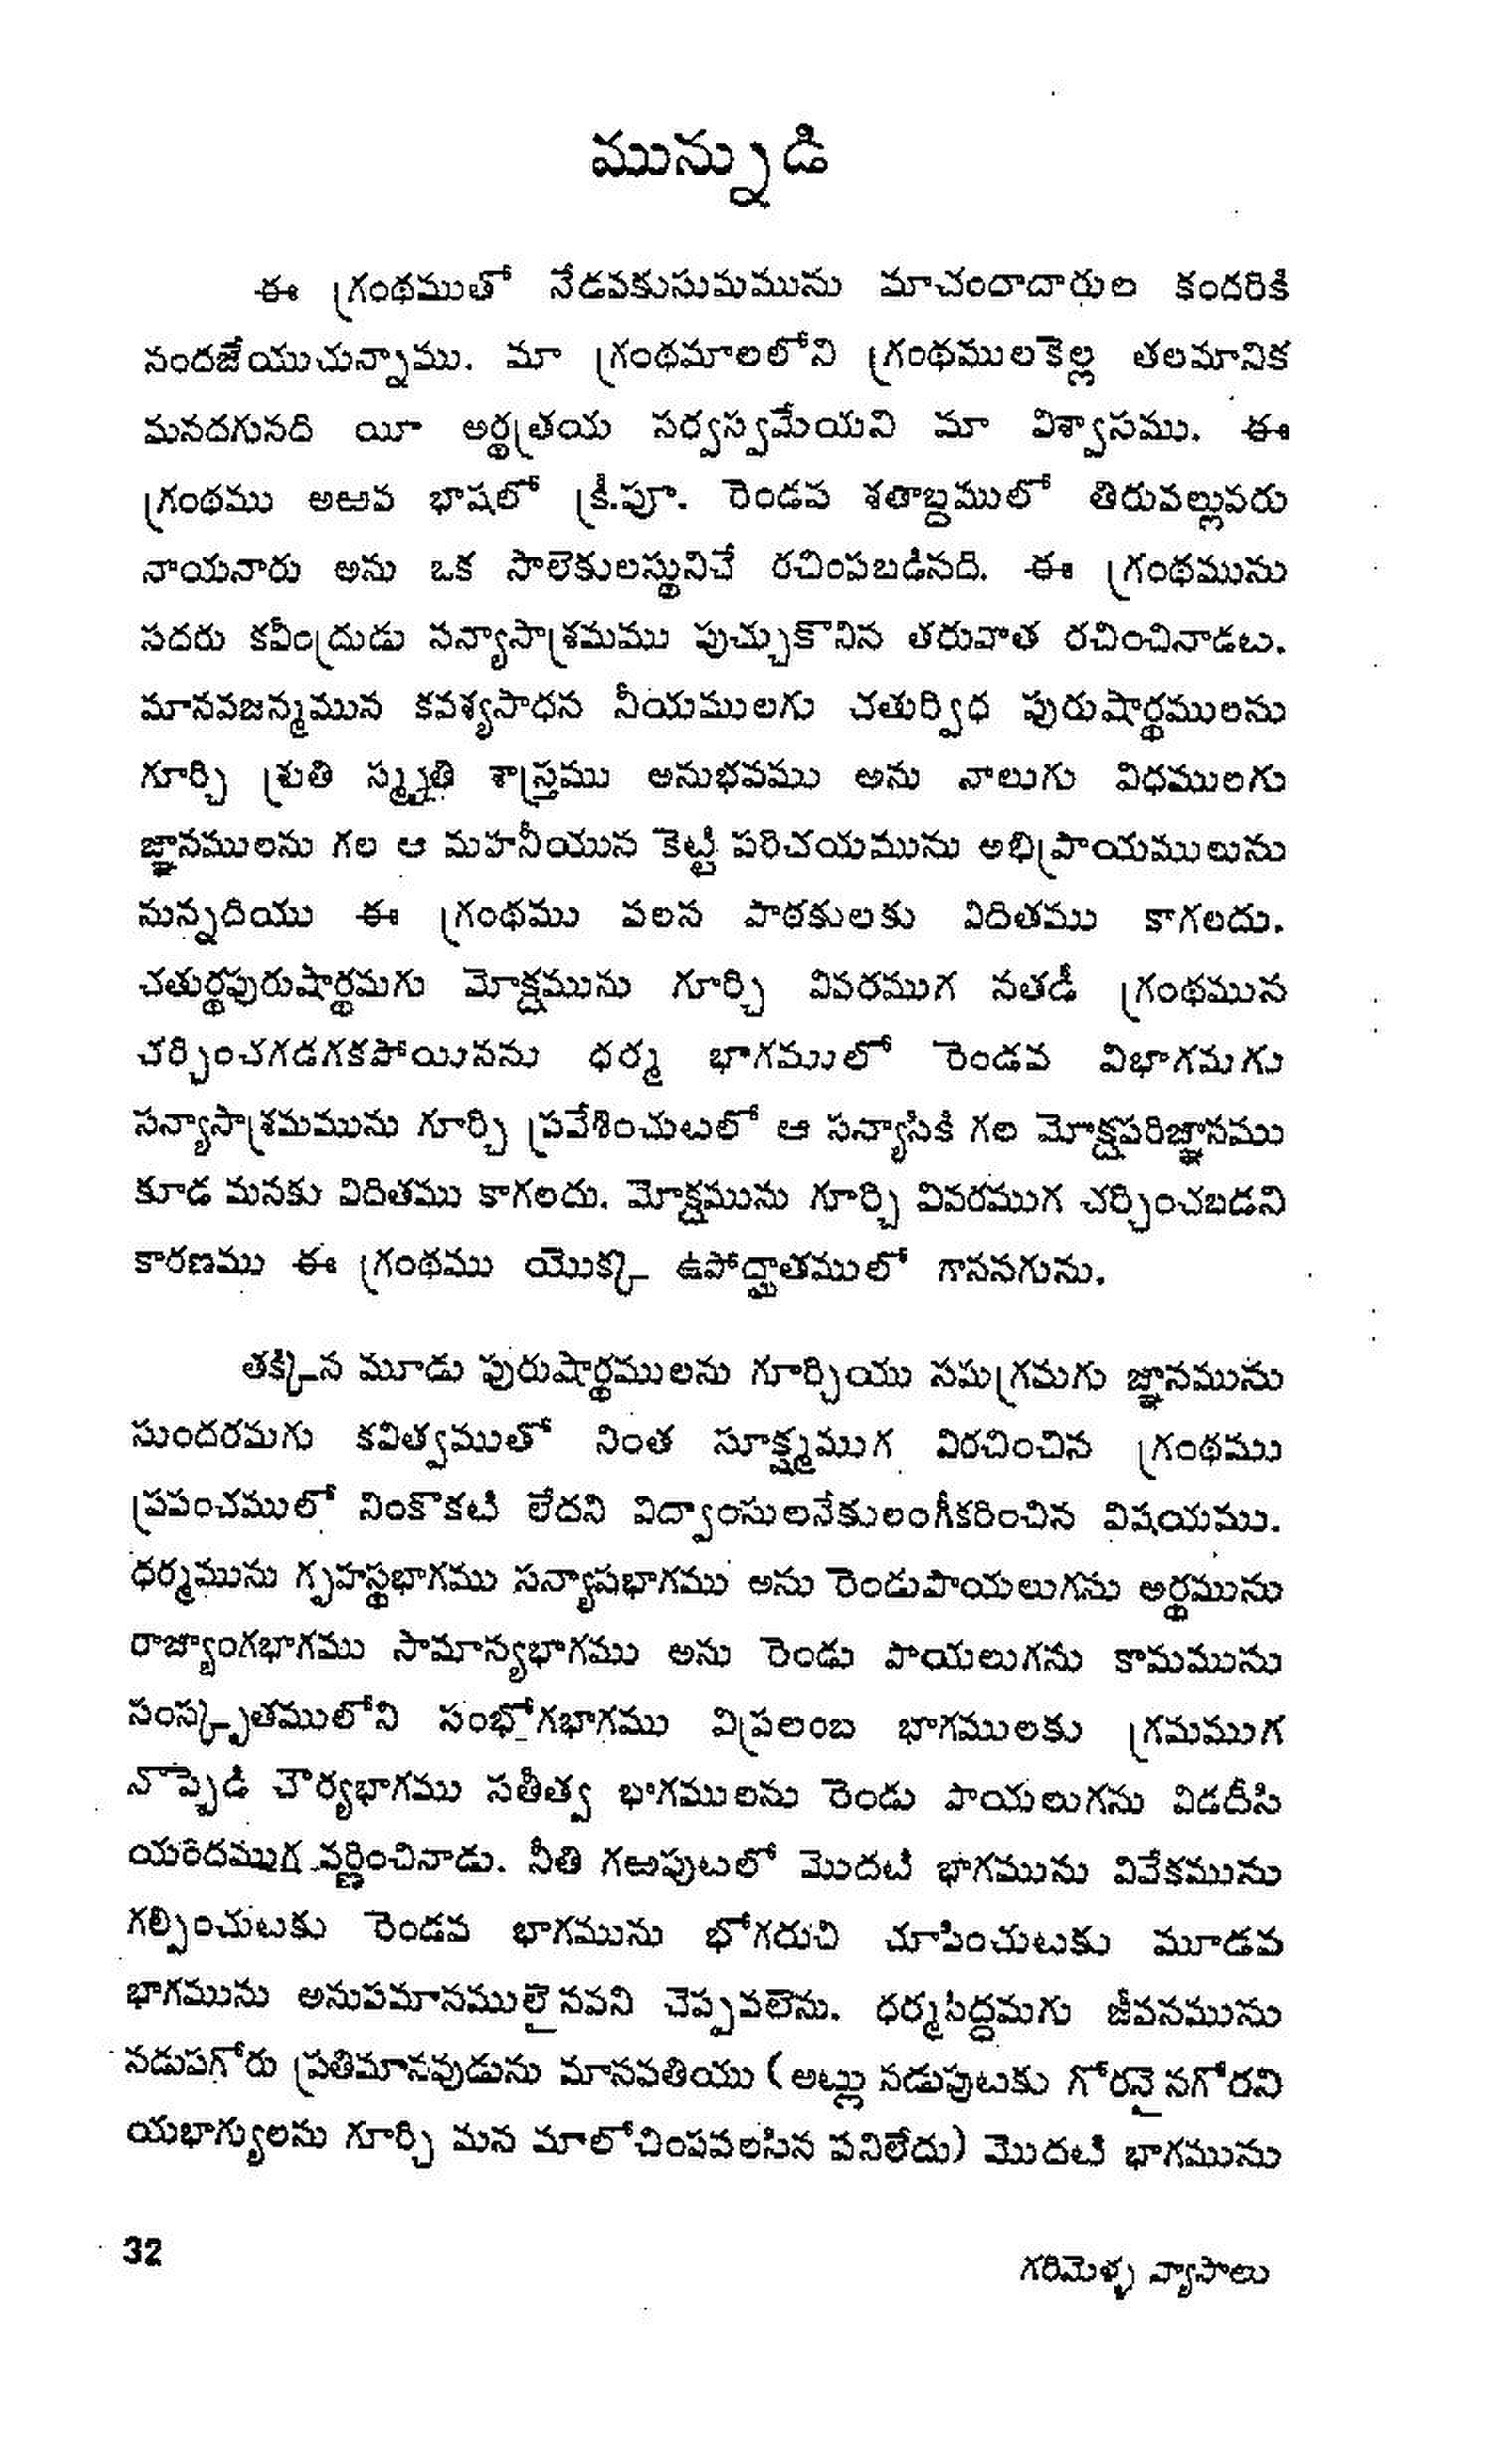మున్నుడి

ఈ గ్రంథములో నేడవకుసుమమును మాచందాదారుల కందరికి నందజేయుచున్నాము. మా గ్రంథమాలలోని గ్రంథములకెల్ల తలమానిక మనదగునది యీ అర్థత్రయ సర్వస్వమేయని మా విశ్వాసము. ఈ గ్రంథము అఱవ భాషలో క్రీ. పూ. రెండవ శతాబ్దములో తిరువల్లువరు నాయనారు అను ఒక సాలెకులస్థునిచే రచింపబడినది. ఈ గ్రంథమును సదరు కవీంద్రుడు సన్యాసాశ్రమము పుచ్చుకొనిన తరువాత రచించినాడట. మానవజన్మమున కవశ్యసాధన నీయములగు చతుర్విధ పురుషార్థములను గూర్చి శ్రుతి స్మృతి శాస్త్రము అనుభవము అను నాలుగు విధములగు జ్ఞానములను గల ఆ మహనీయున కెట్టి పరిచయమును అభిప్రాయములును నున్నదియు ఈ గ్రంథము వలన పాఠకులకు విదితము కాగలదు. చతుర్థపురుషార్థమగు మోక్షమును గూర్చి వివరముగ నతడీ గ్రంథమున చర్చించగడగకపోయినను ధర్మ భాగములో రెండవ విభాగమగు సన్యాసాశ్రమమును గూర్చి ప్రవేశించుటలో ఆ సన్యాసికి గల మోక్షపరిజ్ఞానము కూడ మనకు విదితము కాగలదు. మోక్షమును గూర్చి వివరముగ చర్చించబడని కారణము ఈ గ్రంథము యొక్క ఉపోద్ఘాతములో గాననగును.

తక్కిన మూడు పురుషార్థములను గూర్చియు సమగ్రమగు జ్ఞానమును సుందరమగు కవిత్వముతో నింత సూక్ష్మముగ విరచించిన గ్రంథము ప్రపంచములో నింకొకటి లేదని విద్వాంసులనేకులంగీకరించిన విషయము. ధర్మమును గృహస్థభాగము సన్యాసభాగము అను రెండుపాయలుగను అర్థమును రాజ్యాంగభాగము సామాన్యభాగము అను రెండు పాయలుగను కామమును సంస్కృతములోని సంభోగభాగము విప్రలంబ భాగములకు గ్రమముగ నొప్పెడి చౌర్యభాగము సతీత్వ భాగములను రెండు పాయలుగను విడదీసి యందముగ వర్ణించినాడు. నీతి గఱపుటలో మొదటి భాగమును వివేకమును గల్పించుటకు రెండవ భాగమును భోగరుచి చూపించుటకు మూడవ భాగమును అనుపమానములైనవని చెప్పవలెను. ధర్మసిద్ధమగు జీవనమును నడుపగోరు ప్రతిమానవుడును మానవతియు (అట్లు నడుపుటకు గోరనైనగోరని యభాగ్యులను గూర్చి మన మాలోచింపవలసిన పనిలేదు) మొదటి భాగమును